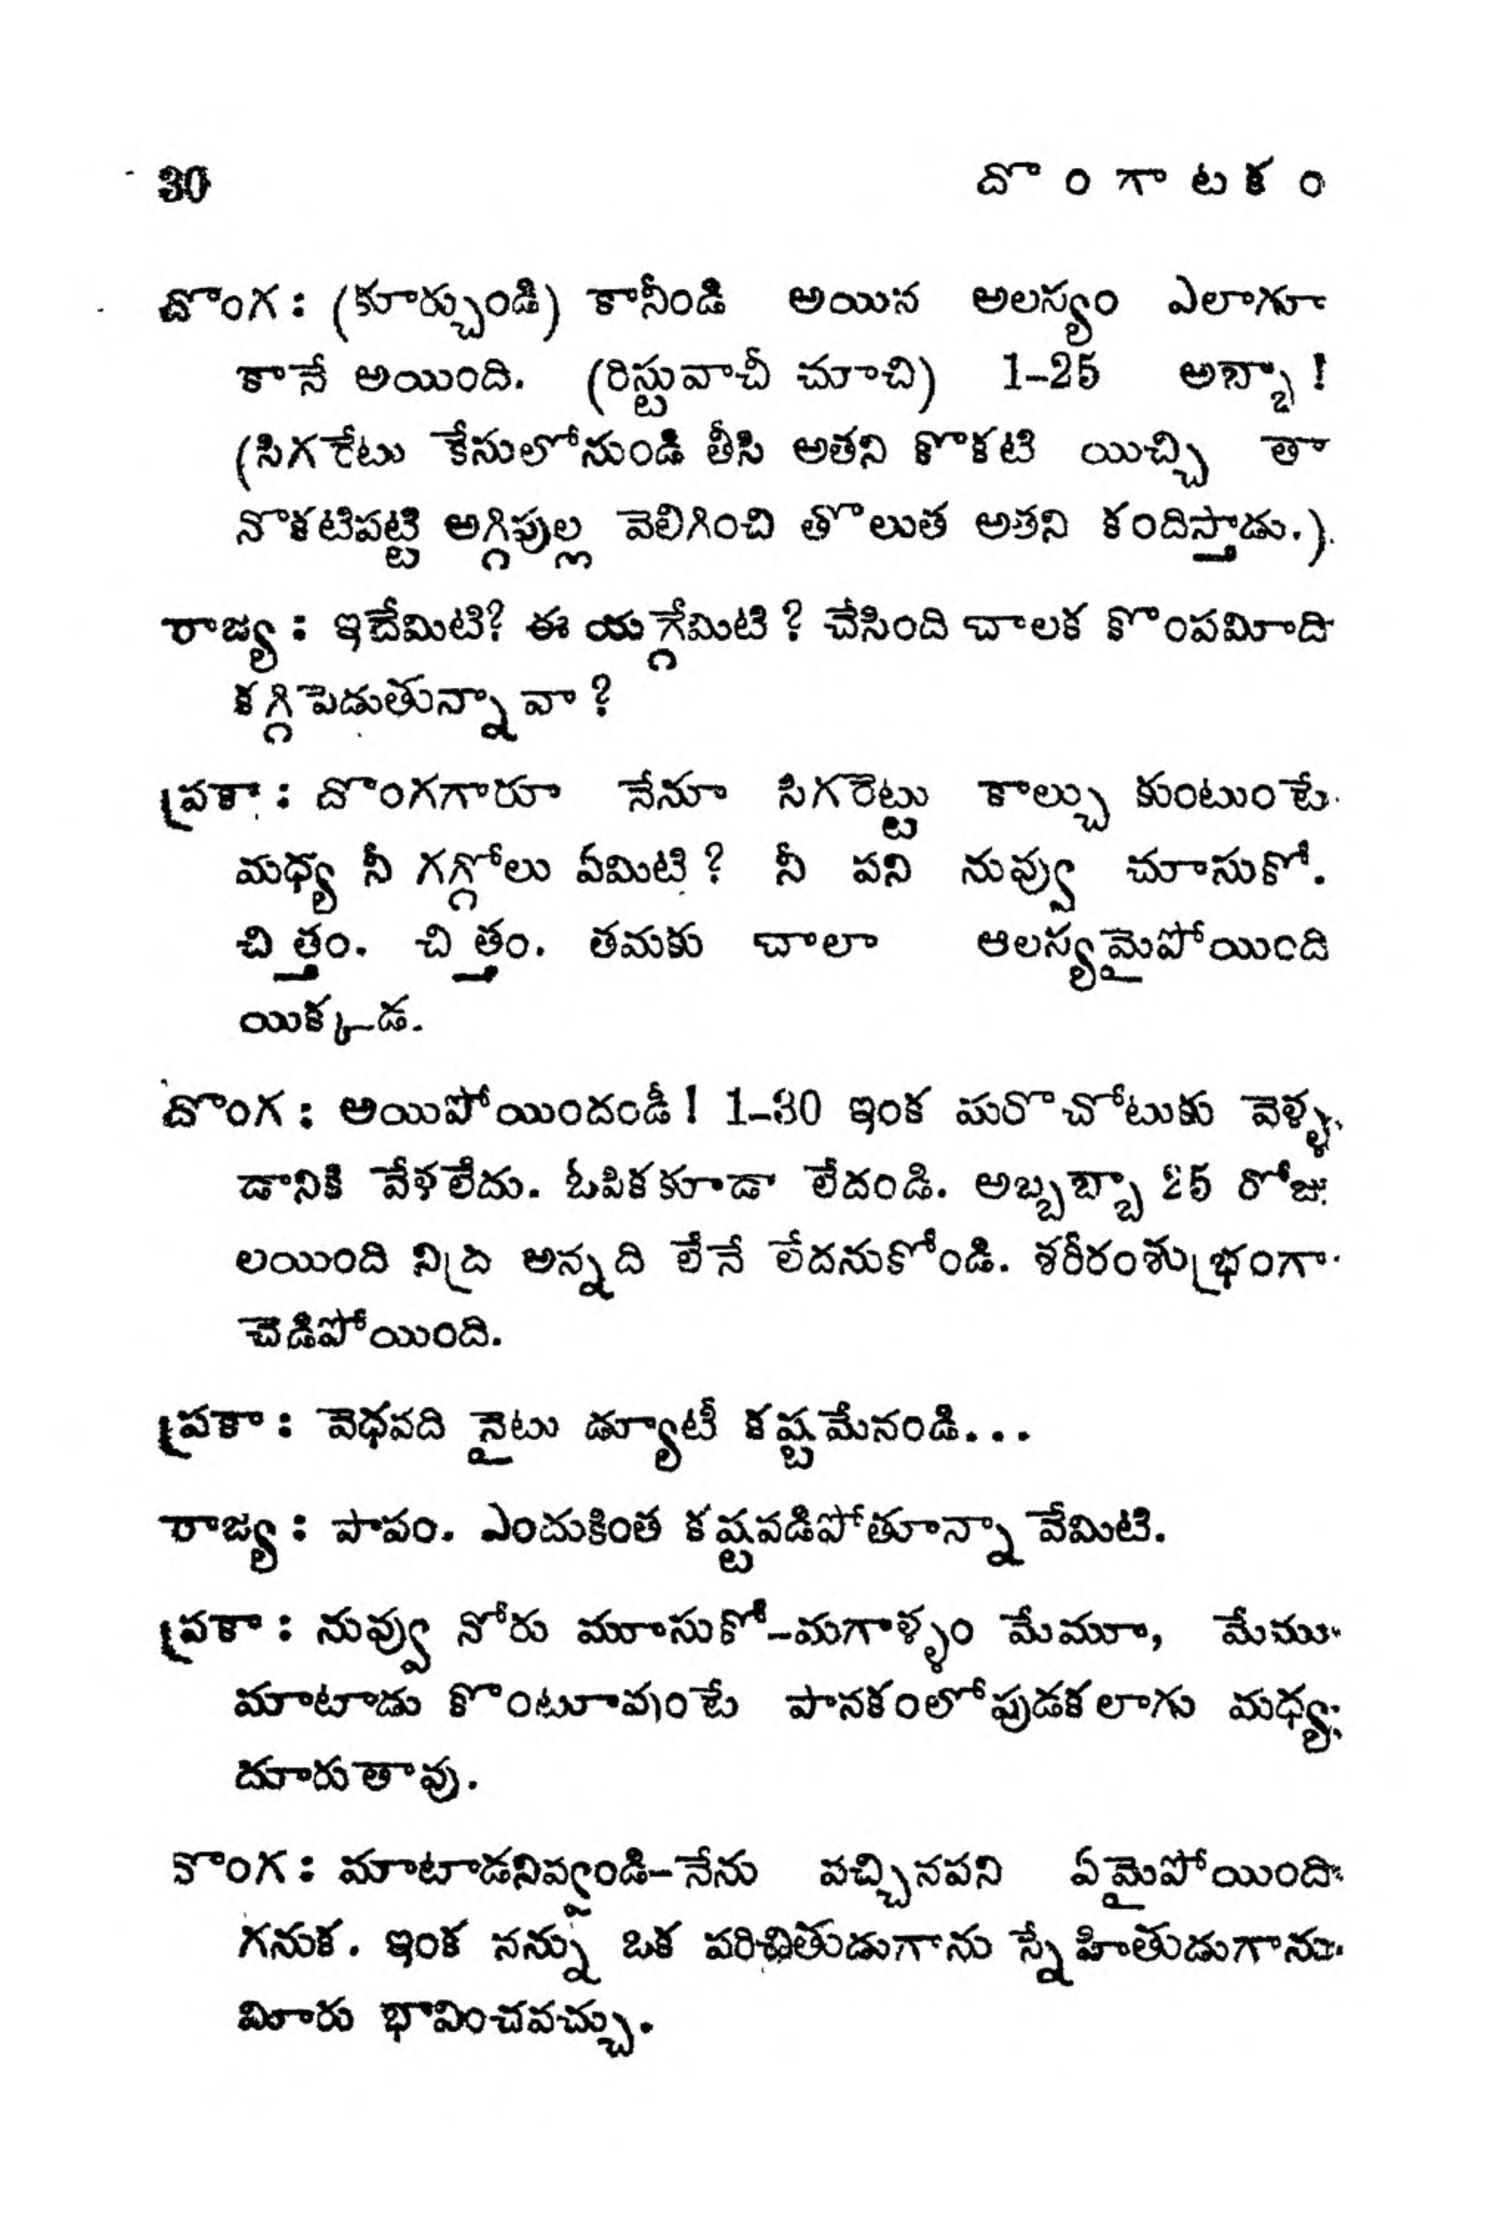దొంగ : (కూర్చుండి) కానీండి అయిన అలస్యం ఎలాగూ కానే అయింది. (రిస్టువాచీ చూచి) 1-25 అబ్బా! (సిగరేటు కేసులోనుండి తీసి అతని కొకటి యిచ్చి తా నొకటిపట్టి అగ్గిపుల్ల వెలిగించి తొలుత అతని కందిస్తాడు.)

రాజ్య : ఇదేమిటి? ఈ యగ్గేమిటి ? చేసింది చాలక కొంపమీది కగ్గిపెడుతున్నావా ?

ప్రకా : దొంగగారూ నేనూ సిగరెట్టు కాల్చు కుంటుంటే మధ్య నీ గగ్గోలు ఏమిటి ? నీ పని నువ్వు చూసుకో. చిత్తం. చిత్తం. తమకు చాలా ఆలస్యమైపోయింది యిక్కడ.

దొంగ : అయిపోయిందండీ ! 1-30 ఇంక మరొచోటుకు వెళ్ళడానికి వేళలేదు. ఓపికకూడా లేదండి. అబ్బబ్బా 25 రోజు
లయింది నిద్ర అన్నది లేనే లేదనుకోండి. శరీరంశుభ్రంగా చెడిపోయింది.

ప్రకా : వెధవది నైటు డ్యూటీ కష్టమేనండి...

రాజ్య : పాపం. ఎందుకింత కష్టపడిపోతూన్నా వేమిటి.

ప్రకా : నువ్వు నోరు మూసుకో-మగాళ్ళం మేమూ, మేము మాటాడు కొంటూవుంటే పానకంలోపుడకలాగు మధ్య
దూరుతావు.

దొంగ : మాటాడనివ్వండి నేను వచ్చినపని ఏమైపోయింది గనుక. ఇంక నన్ను ఒక పరిచితుడుగాను స్నేహితుడుగాను 
మీరు భావించవచ్చు.